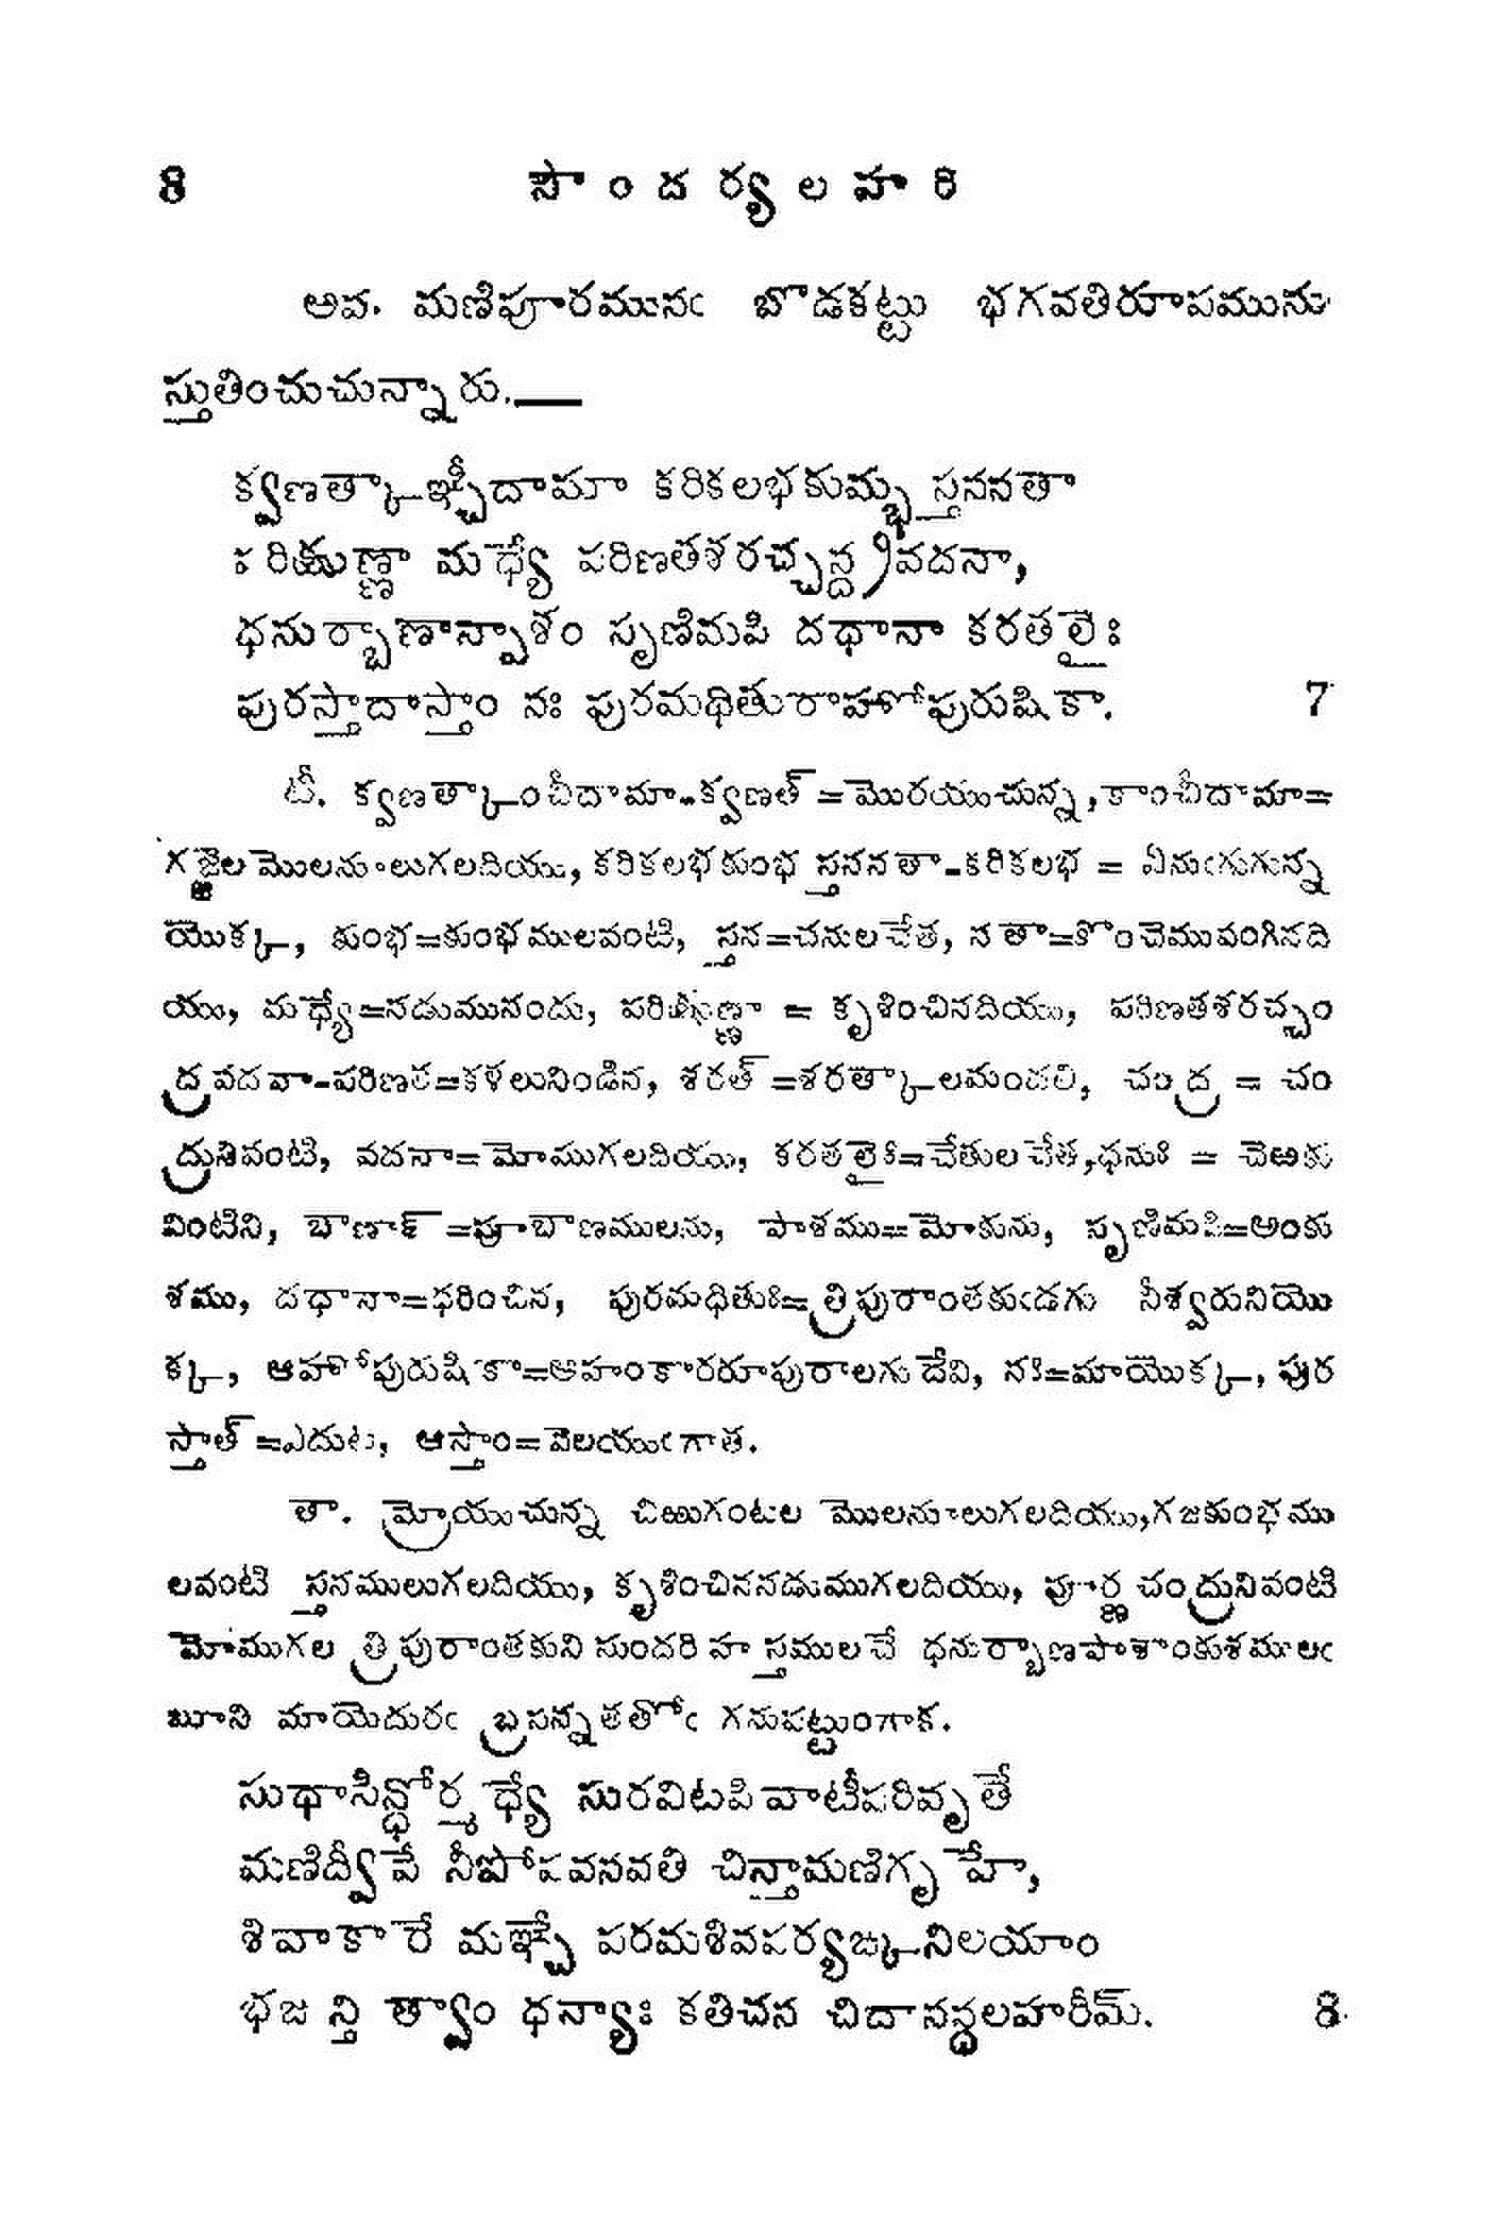అవ. మణిపూరమునఁ బొడకట్టు భగవతిరూపమును స్తుతించుచున్నారు.-

క్వణత్కాఞ్చీదామా కరికలభకుమ్భస్తననతా
పరిక్షుణ్ణా మధ్యే పరిణతశరచ్చన్ద్రవదనా,
ధనుర్భాణాన్పాశం సృణిమపి దథానా కరతలైః
పురస్తాదాస్తాం నః పురమధితురాహోపురుషికా. 7
టీ. క్వణత్కాంచీదామా-క్వణత్ = మొరయుచున్న, కాంచీదామా = గజ్జెలమొలనూలుగలదియు, కరికలభకుంభస్తననతా-కరికలభ = ఏనుఁగుగున్నయొక్క, కుంభ = కుంభములవంటి, స్తన = చనులచేత, నతా = కొంచెమువంగినదియు, మధ్యే = నడుమునందు, పరిక్షుణ్ణా = కృశించినదియు, పరిణతశరచ్చంద్రవదనా- పరిణత = కళలునిండిన, శరత్ = శరత్కాలమందలి, చంద్ర = చంద్రునివంటి, వదనా = మోముగలదియు, కరతలైః = చేతులచేత, ధనుః = చెఱకు వింటిని, బాణాన్ = పూబాణములను, పాశము = మోకును, సృణిమపి = అంకుశము, దధనా = ధరించిన, పురమధితుః = త్రిపురాంతకుఁడగు నీశ్వరునియొక్క, ఆహోపురుషికా = అహంకారరూపురాలగుదేవి, నః = మాయొక్క, పురస్తాత్ = ఎదుట, ఆస్తాం = వెలయుఁగాత.

తా. మ్రోయుచున్న చిఱుగంటల మొలనూలుగలదియు, గజకుంభములవంటి స్తనములుగలదియు, కృశించినడుముగలదియు, పూర్ణచంద్రునివంటి మోముగల త్రిపురాంతకుని సుందరి హస్తములచే ధనుర్బాణపాశాంకుశములఁ బూని మాయెదురఁ బ్రసన్నతతోఁ గనుపట్టుంగాక.

సుథాసిన్ధోర్మధ్యే సురవిటపివాటీపరివృతే
మణిద్వీపే నీపోపవనవతి చిన్తామణిగృహే,
శివాకారే మఞ్చే పరమశివపర్యఙ్కనిలయాం
భజన్తి త్వాం ధన్యాః కతిచన చిదానన్దలహరీమ్. 8